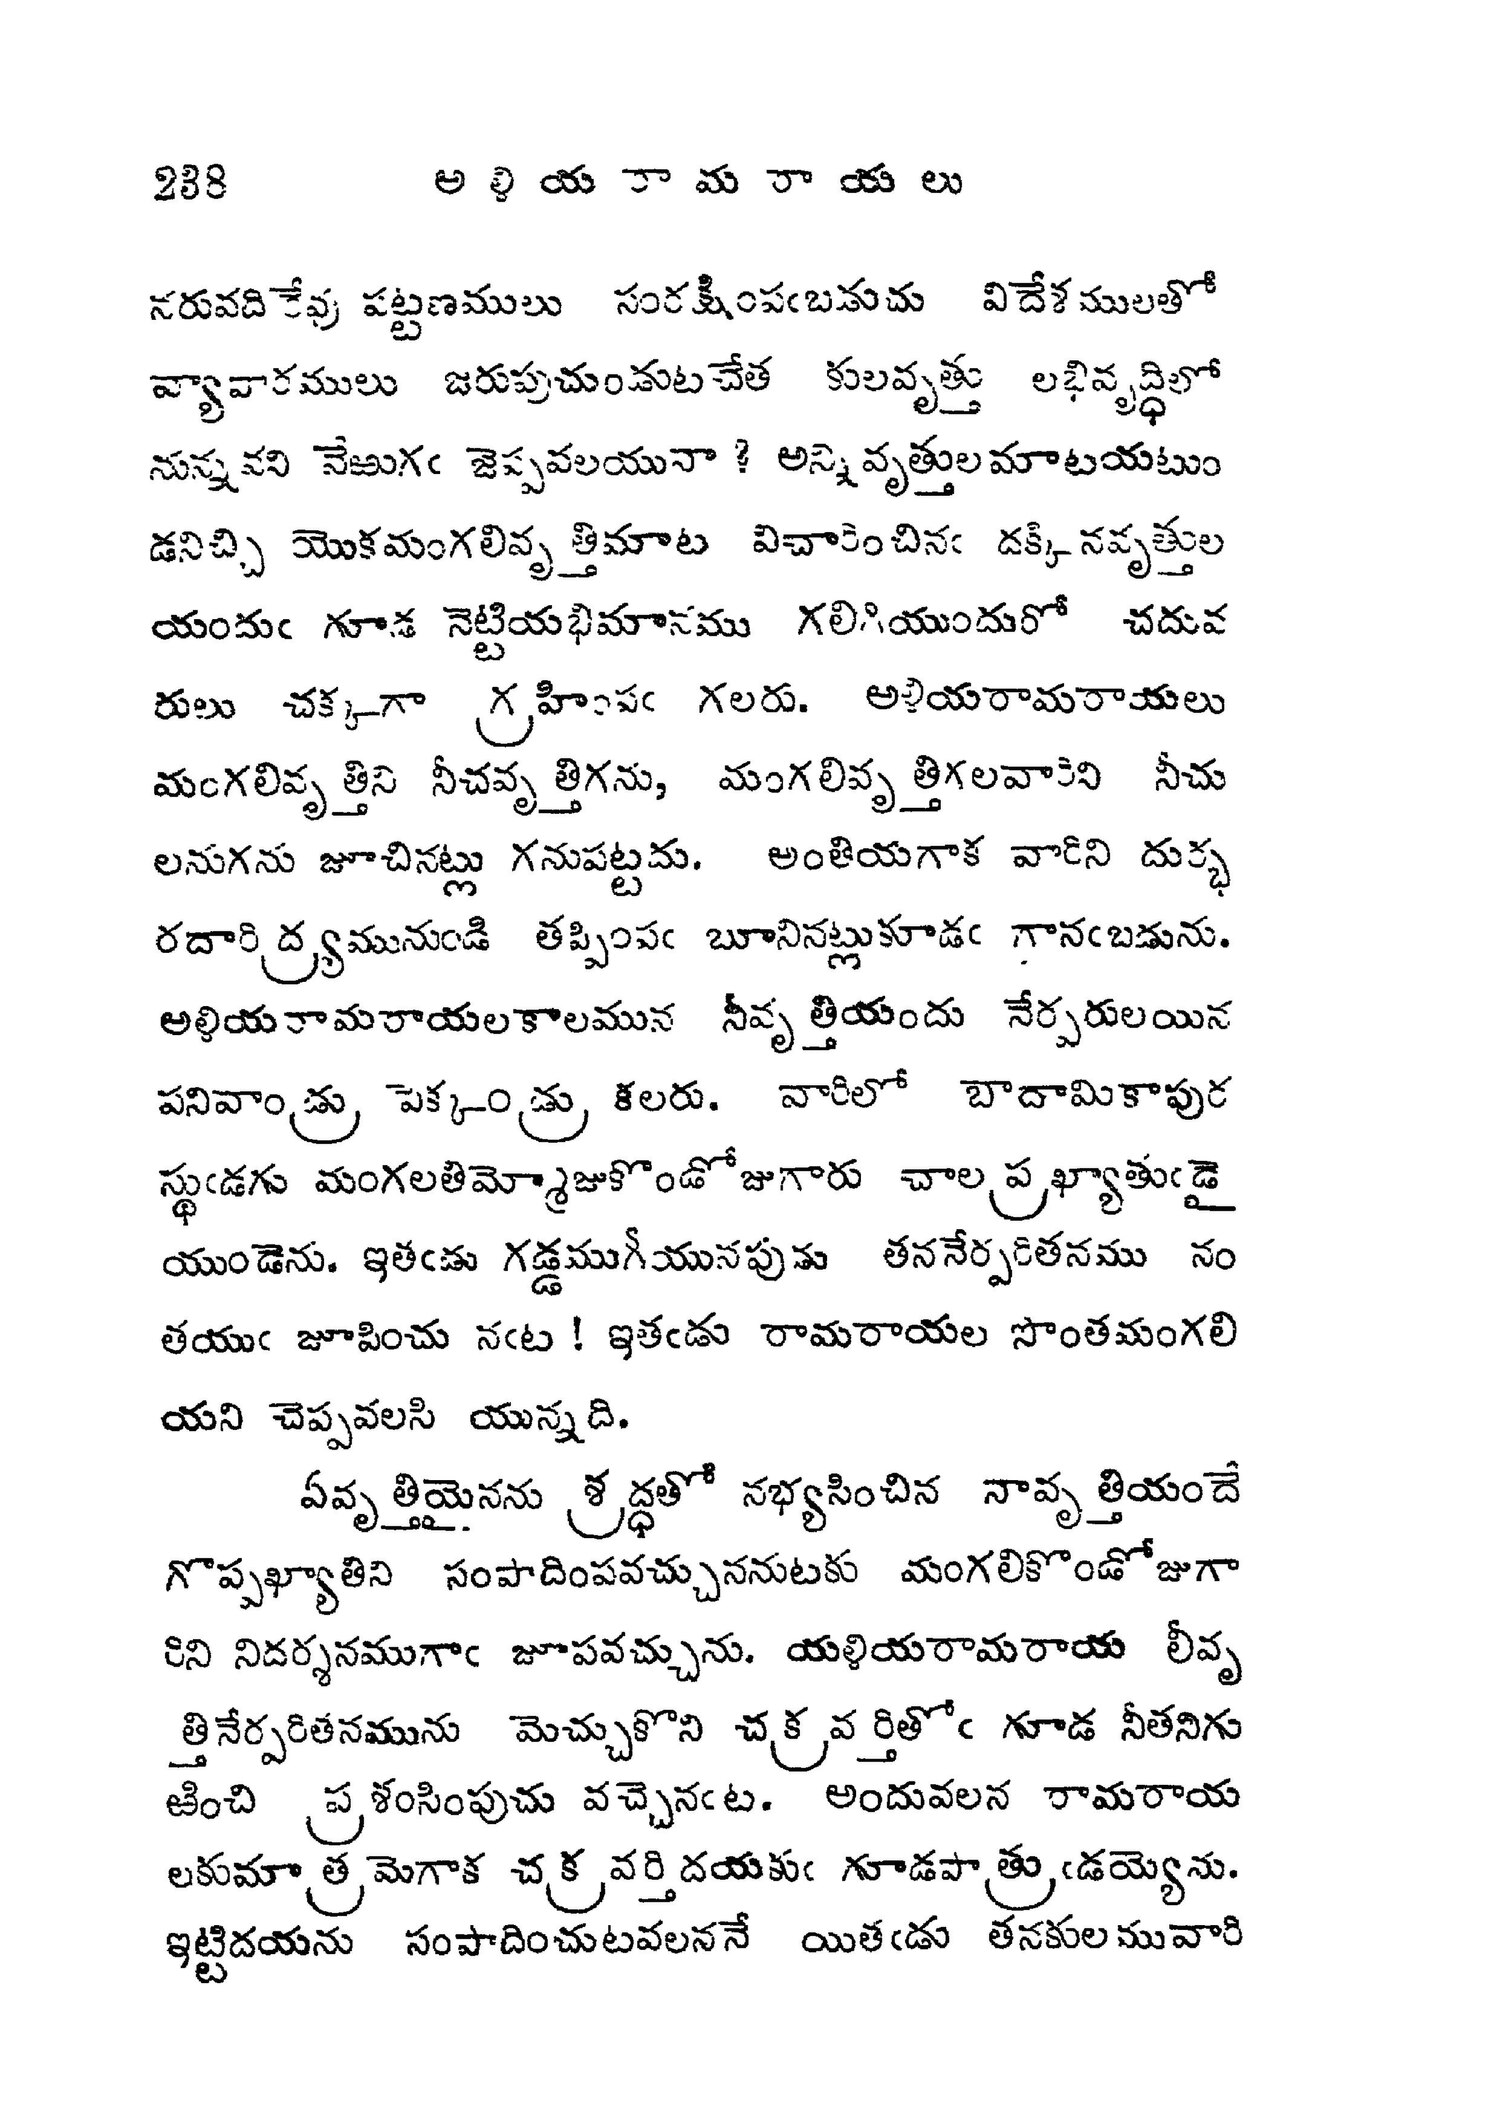నరువదిరేవు పట్టణములు సంరంక్షింపబడుచు విదేశములతో వ్యాపారములు జరుపుచుండుటచేత కులవృత్తు లభివృద్ధిలో నున్నవని వేఱుగ జెప్పవలయునా ? అన్నివృత్తులమాట యటుండనిచ్చి యొకమంగలివృత్తిమాట విచారించిన దక్కినవృత్తులయందు గూడ నెట్టియభిమానము గలిగియుందురో చదువరులు చక్కగా గ్రహింప గలరు. అళియరామరాయలు మంగలివృత్తిని నీచవృత్తిగను, మంగలి వృత్తిగలవారిని నీచులనుగను జూచినట్లు గనుపట్టదు. అంతియగాక వారిని దుర్భరదారిద్ర్యమునుండి తప్పింప బూనినట్లుకూడ గానబడును. అళియరామరాయలకాలమున నీవృత్తియందు నేర్పరులయిన పనివాండ్రు పెక్కండ్రు కలరు. వారిలో బాదామికాపురస్థుడగు మంగలతిమ్మోజుకొండోజుగారు చాలప్రఖ్యాతుడై యుండెను. ఇతడు గడ్డముగీయునపుడు తననేర్పరితనము నంతయు జూపించు నట ! ఇతడు రామరాయల సొంతమంగలి యని చెప్పవలసి యున్నది.

ఏవృత్తియైనను శ్రద్ధతో నభ్యసించిన నావృత్తియందే గొప్పఖ్యాతిని సంపాదింపవచ్చుననుటకు మంగలికొండోజుగారిని నిదర్శనముగా జూపవచ్చును. యళియరామరాయ లీవృత్తినేర్పరితనమును మెచ్చుకొని చక్రవర్తితో గూడ నీతనిగుఱించి ప్రశంసింపుచు వచ్చెనట. అందువలన రామరాయలకు మాత్రమెగాక చక్రవర్తిదయకు గూడపాత్రుడయ్యెను. ఇట్టిదయను సంపాదించుటవలననే యితడు తనకులమువారి